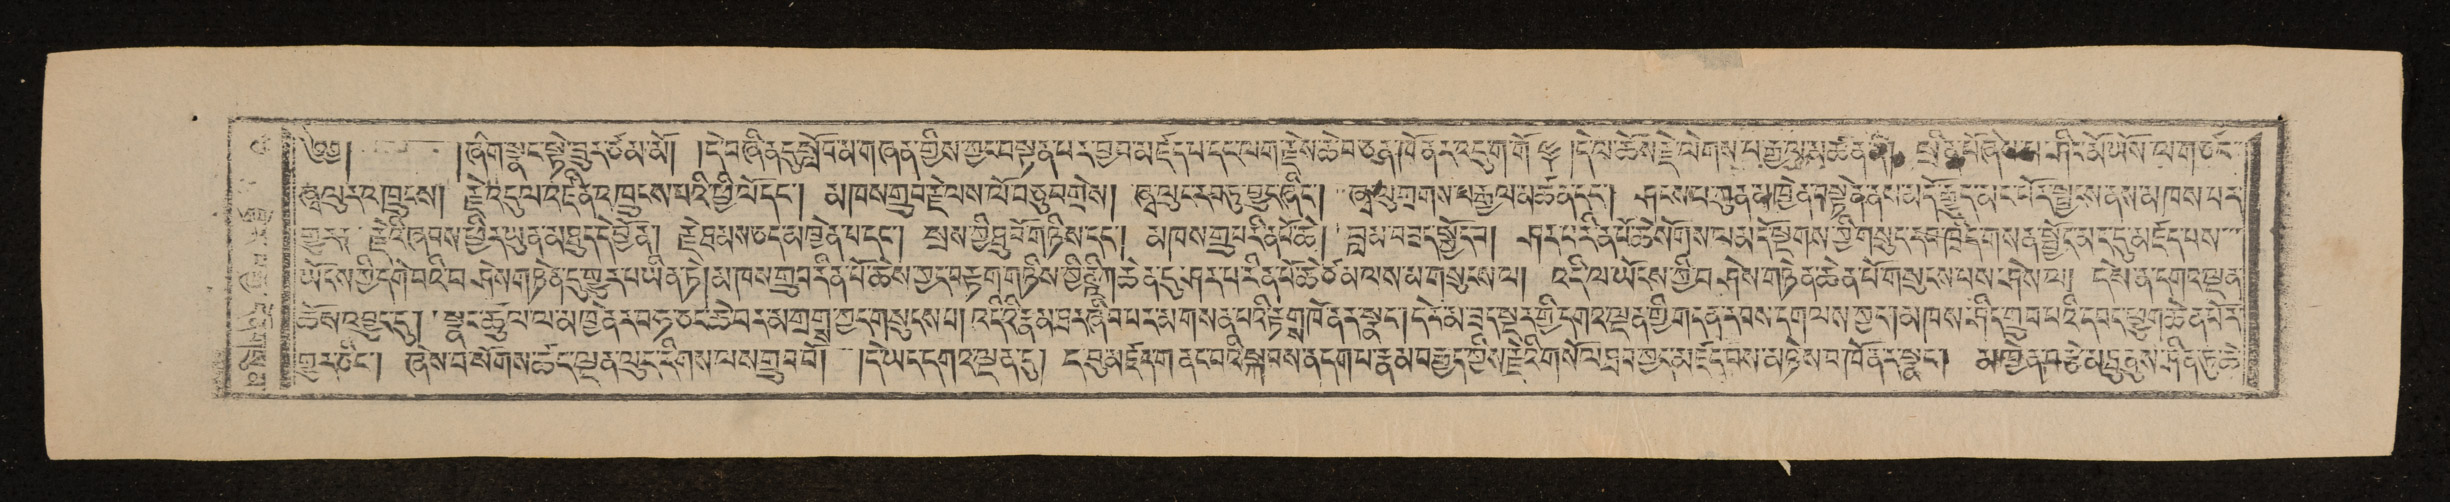༄༅། །ཞིག་སྣང་སྟེ་ཟུར་ཙམ་མོ། །དེ་བཞིན་དུ་སློབ་མ་གཞན་གྱིས་ཀྱང་བསྟན་པར་བྱ་བ་མཛད་པ་དང་ལག་རྗེས་ཆེ་བ་ཅན་ཁོ་ནར་འདུག་གོ ༈ དེ་ལ་ཆོས་རྗེ་ལེགས་པ་རྒྱལ་མཚན་ནི། སྲིན་པོ་ཞེས་པ་ཤིང་མོ་ཡོས་ལ་གཙང་
ཞྭ་ལུར་འཁྲུངས། རྗེ་འདུལ་འཇོན་འཁྲུངས་པའི་ཕྱི་ལོ་དང་། མཁས་གྲུབ་རྗེ་ལས་ལོ་བཅུ་བགྲེས། ཞྭ་ལུར་རབ་ཏུ་བྱུང་ཞིང་། ཞྭ་ལུ་གྲགས་པ་རྒྱལ་མཚན་དང་། ཤངས་པ་ཀུན་མཁྱེན་བསྟེན་ནས་མདོ་རྒྱུད་མང་པོར་སྤྱངས་ནས་མཁས་པར་
གྱུར༑ རྗེའི་ཞབས་ཕྱིར་ཡུན་མཐུད་དེ་བྱོན། རྗེ་ཐམས་ཅད་མཁྱེན་པ་དང་། སྲས་ཀྱི་ཐུ་བོ་གཉིས་དང་། མཁས་གྲུབ་རིན་པོ་ཆེ། བླ་མ་བཟང་སྐྱོང་བ། ཤར་བ་རིན་པོ་ཆེ་སོགས་ལ་མདོ་སྔགས་ཀྱི་གསུང་རབ་ཁྲིད་གསན་སྤྱོང་མང་དུ་མཛད་པས་
ཡོངས་ཀྱི་དགེ་བའི་བཤེས་གཉེན་དུ་གྱུར་བ་ཡིན་ཏེ། མཁས་གྲུབ་རིན་པོ་ཆེས་ཀྱང་བརྟག་གཉིས་ཀྱི་ཊཱིཀ་ཆེན་དུ་ཤར་བ་རིན་པོ་ཆེ་ཙམ་ལས་མ་གསུངས་ལ། འདི་ལ་ཡོངས་ཀྱི་བཤེས་གཉེན་ཆེན་པོ་གསུངས་པས་ཤེས་ལ། དེས་ན་དགའ་ལྡན་
ཆོས་འབྱུང་དུ། སྣང་ཚུལ་ལ་མཁྱེན་རབ་ཧ་ཅང་ཆེ་བར་མ་གྲགས་ཀྱང་གསུངས་པ། འདིའི་རྣམ་ཐར་ཞིབ་པར་མ་གསན་པའི་རྟགས་ཁོ་ནར་སྣང་། དེར་མ་ཟད་སྔར་གྱི་དགའ་ལྡན་གྱི་གདན་རབས་དག་ལས་ཀྱང་། མཁས་ཤིང་གྲུབ་པའི་དབང་ཕྱུག་ཆེན་པོར་
གྱུར་ཅིང་། ཞེས་པ་སོགས་ཚད་ལྡན་ལུང་རིགས་ལས་གྲུབ་པོ། །དེ་ཡང་དགའ་ལྡན་དུ། དབུ་མཛད་གནང་བའི་སྐབས་ན་དག་པ་རྣམ་བརྒྱད་ཀྱིས་རྗེའི་གསོལ་ཐབ་ཀྱང་མཛད་པས་མཉེས་པ་ཁོ་ནར་སྣང་། མཁྱེན་བརྩེ་མཐུ་ནུས་ཤིན་ཏུ་ཆེ་